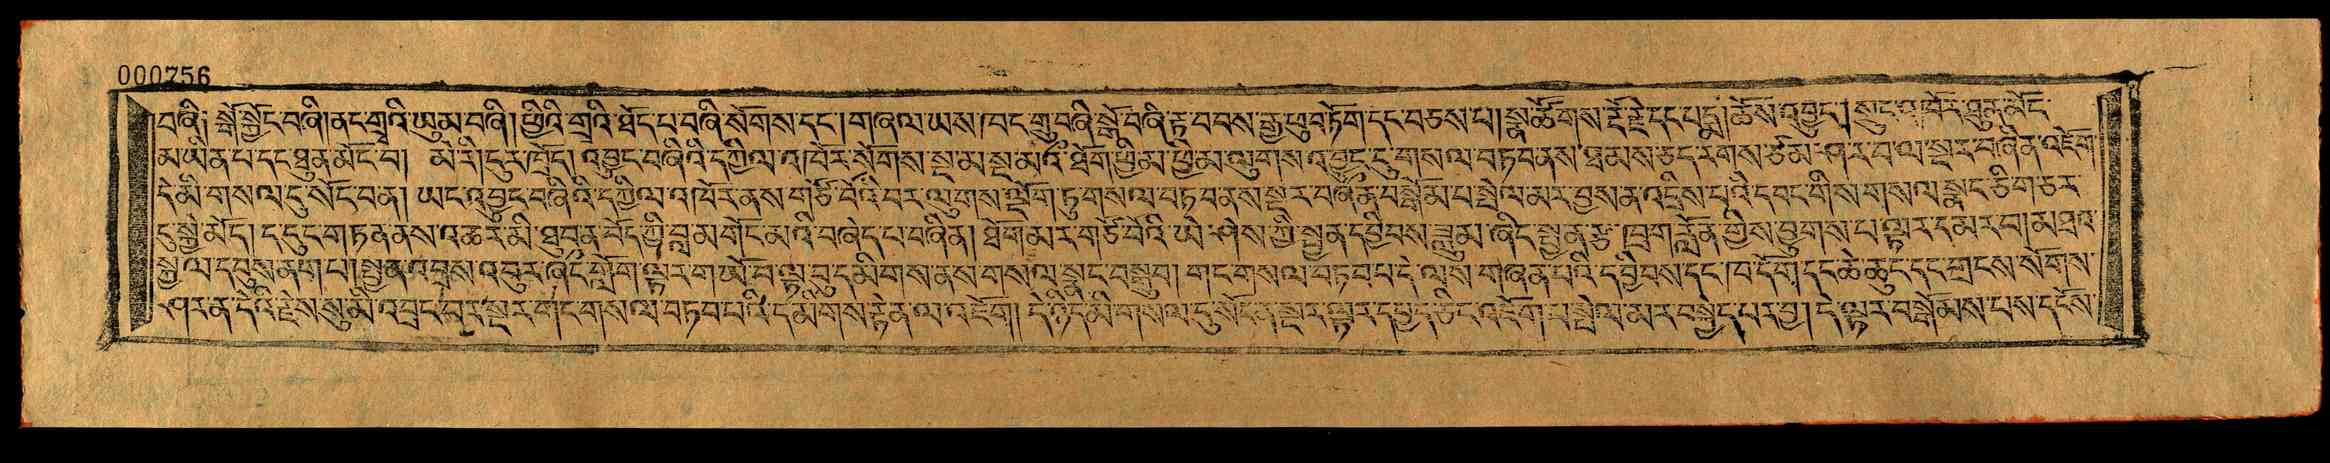བཞི༑ སྒོ་སྐྱོང་བཞི། ནང་གྲྭའི་ཡུམ་བཞི། ཕྱིའི་གྲྭའི་ཐོད་པ་བཞི་སོགས་དང་། གཞལ་ཡས་ཁང་གྲུ་བཞི་སྒོ་བཞི་རྟ་བབས་རྒྱ་ཕུབ་ཏོག་དང་བཅས་པ། སྣ་ཚོགས་རྡོ་རྗེ་དང་པདམ། ཆོས་འབྱུང་། སྲུང་འཁོར་ཐུན་མོང་
མ་ཡིན་པ་དང་ཐུན་མོང་བ། མེ་རི། དུར་ཁྲོད། འབྱུང་བཞིའི་དཀྱིལ་འཁོར་སོགས་སྔ་མ་སྔ་མའི་ཐོག་ཕྱི་མ་ཕྱི་མ་ལུགས་འབྱུང་དུ་གསལ་བཏབ་ནས་ཐམས་ཅད་རགས་ཙམ་ཤར་བ་ལ་སྔར་བཞིན་འཇོག།
དེ་མི་གསལ་དུ་སོང་བ་ན། ཡང་འབྱུང་བཞིའི་དཀྱིལ་འཁོར་ནས་གཙོ་བོའི་བར་ལུགས་ལྡོག་ཏུ་གསལ་བཏབ་ནས་སྔར་བཞིན་བསྒོམ་པ་སྤེལ་མར་བྱས་ན་འདྲིས་པའི་དབང་གིས་གསལ་སྣང་ཅིག་ཅར་
དུ་སྐྱེ་མོད། ད་དུང་གཏན་ནས་འཆར་མི་ཐུབ་ན་བོད་ཀྱི་བླ་མ་གོང་མའི་བཞེད་པ་བཞིན། ཐོག་མར་གཙོ་བོའི་ཡེ་ཤེས་ཀྱི་སྤྱན་དབྱིབས་ཟླུམ་ཞིང་སྤྱན་རྩ་ཁྲག་རློན་གྱིས་བྱུགས་པ་ལྟར་དམར་བ། མཐའ་
སྐྱ་ལ་དབུས་ནག་པ། སྤྱན་འབྲས་འབུར་ཞིང་གློག་ལྟར་གཡོ་བ་ལྟ་བུ་དམིགས་ནས་གསལ་སྣང་བསྒྲུབ། གང་གསལ་བཏབ་པ་དེ་ལས་གཞན་པའི་དབྱིབས་དང་ཁ་དོག་དང་ཆེ་ཆུང་དང་གྲངས་སོགས་
ཤར་ན་དེའི་རྗེས་སུ་མ་འབྲང་བར་སྔར་གང་གསལ་བཏབ་པའི་དམིགས་རྟེན་ལ་འཇོག །དེ་ཉིད་མི་གསལ་དུ་སོང་ན་སྔར་ལྟར་དཔྱད་ཅིང་འཇོག་པ་སྤེལ་མར་བསྐྱང་བར་བྱ། དེ་ལྟར་བསྒོམས་པས་དངོས་སུ་